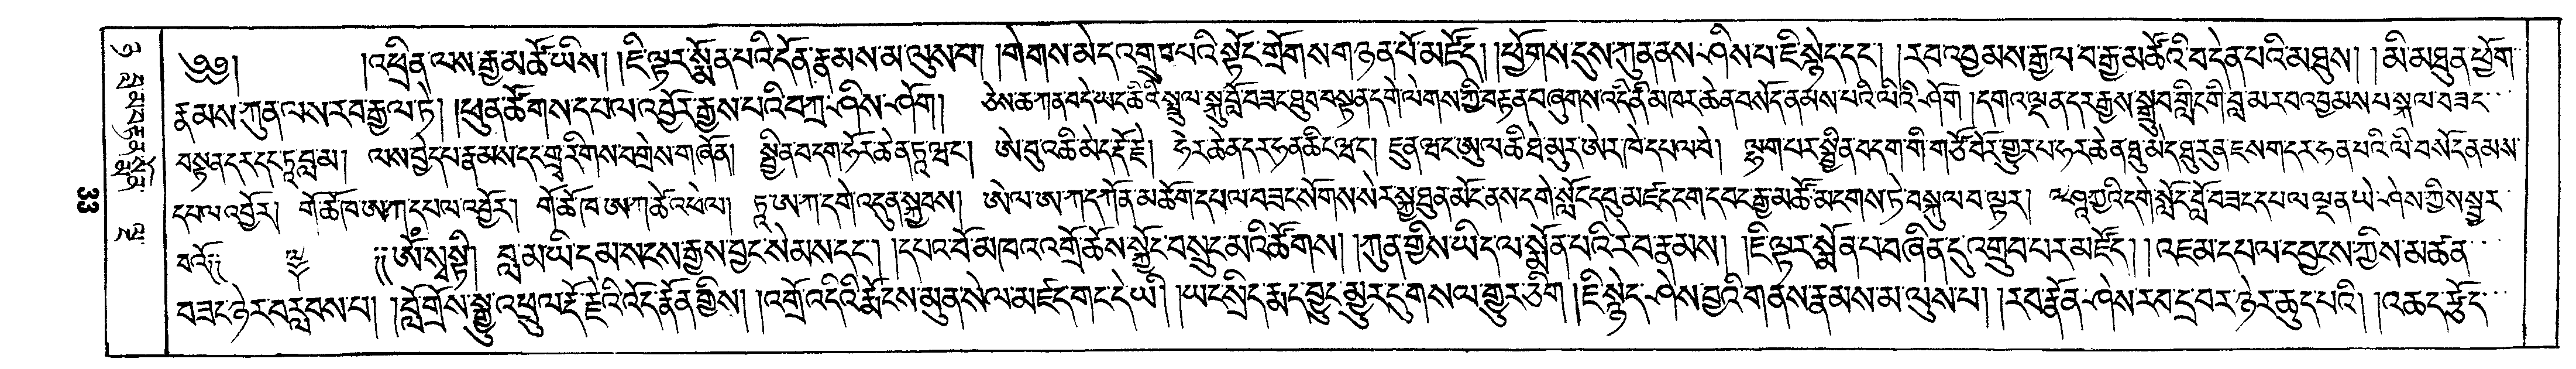༄༅། །འཕྲིན་ལས་རྒྱ་མཚོ་ཡིས། །ཇི་ལྟར་སྨོན་པའི་དོན་རྣམས་མ་ལུས་པ། །གེགས་མེད་འགྲུབ་པའི་སྟོང་གྲོགས་གཉན་པོ་མཛོད། །ཕྱོགས་དུས་ཀུན་ནས་ཤིས་པ་ཇི་སྙེད་དང་། །རབ་འབྱམས་རྒྱལ་བ་རྒྱ་མཚོའི་བདེན་པའི་མཐུས། །མི་མཐུན་ཕྱོགས་
རྣམས་ཀུན་ལས་རབ་རྒྱལ་ཏེ། །ཕུན་ཚོགས་དཔལ་འབྱོར་རྒྱས་པའི་བཀྲ་ཤིས་ཤོག །ཅེས་ཆ་ཀན་བདེ་ཡང་ཆིའི་སྤྲུལ་སྐུ་བློ་བཟང་ཐུབ་བསྟན་དགེ་ལེགས་ཀྱི་བརྟན་བཞུགས་འདི་ནི་མཁར་ཆེན་བསོད་ནམས་པའི་ལིའི་ཤོག །དགའ་ལྡན་དར་རྒྱས་སྒྲུབ་གླིང་གི་བླ་མ་རབ་འབྱམས་པ་སྐལ་བཟང་
བསྟན་དར་དང་ཏཱ་བླ་མ། ལས་བྱེད་པ་རྣམས་དང་གྲྭ་རིགས་བགྲེས་གཞོན། སྦྱིན་བདག་ཧོར་ཆེན་ཏཱ་ཝང་། ཨེ་བུ་འཆི་མེད་རྡོ་རྗེ། ཧོར་ཆེན་དར་ཧན་ཆིང་ཝང་། ཇུན་ཝང་ཨུལ་ཆི་ཐེ་མུར་ཨེར་ཁེ་དཔལ་བེ། ལྷག་པར་སྦྱིན་བདག་གི་གཙོ་བོར་གྱུར་པ་ཧར་ཆེན་ཐུ་མེད་ཐུ་རུན་ཇ་སག་དར་ཧན་པའི་ལི་བསོད་ནམས་
དཔལ་འབྱོར། གོ་ཆོ་ཁ་ཨ་ཀ་དཔལ་འབྱོར། གོ་ཆོ་ཁ་ཨ་ཀ་ཚེ་འཕེལ། ཏཱ་ཨ་ཀ་དགེ་འདུན་སྐྱབས། ཨེལ་ཨ་ཀ་དཀོན་མཆོག་དཔལ་བཟང་སོགས་སེར་སྐྱ་ཐུན་མོང་ནས་དགེ་སློང་དབུ་མཛད་ངག་དབང་རྒྱ་མཚོ་མངགས་ཏེ་བསྐུལ་བ་ལྟར། ༧ཤཱཀྱའི་དགེ་སློང་བློ་བཟང་དཔལ་ལྡན་ཡེ་ཤེས་ཀྱིས་སྦྱར་
བའོ༑༑ ༈ ༑༑ཨོཾ་སྭསྟི། བླ་མ་ཡི་དམ་སངས་རྒྱས་བྱང་སེམས་དང་། །དཔའ་བོ་མཁའ་འགྲོ་ཆོས་སྐྱོང་བསྲུང་མའི་ཚོགས། །ཀུན་གྱིས་ཡིད་ལ་སྨོན་པའི་རེ་བ་རྣམས། །ཇི་ལྟར་སྨོན་པ་བཞིན་དུ་འགྲུབ་པར་མཛོད། །འཇམ་དཔལ་དབྱངས་ཀྱིས་མཚན་
བཟང་ཉེར་བརླབས་པ། །བློ་གྲོས་སྒྱུ་འཕྲུལ་རྡོ་རྗེའི་འོད་རྣོན་གྱིས། །འགྲོ་འདིའི་རྨོངས་མུན་སེལ་མཛད་གང་དེ་ཡི། །ཡང་སྲིད་རྨད་བྱུང་མྱུར་དུ་གསལ་གྱུར་ཅིག །ཇི་སྙེད་ཤེས་བྱའི་གནས་རྣམས་མ་ལུས་པ། །རབ་རྣོན་ཤེས་རབ་དྲ་བར་ཉེར་ཆུད་པའི། །འཆད་རྩོད་